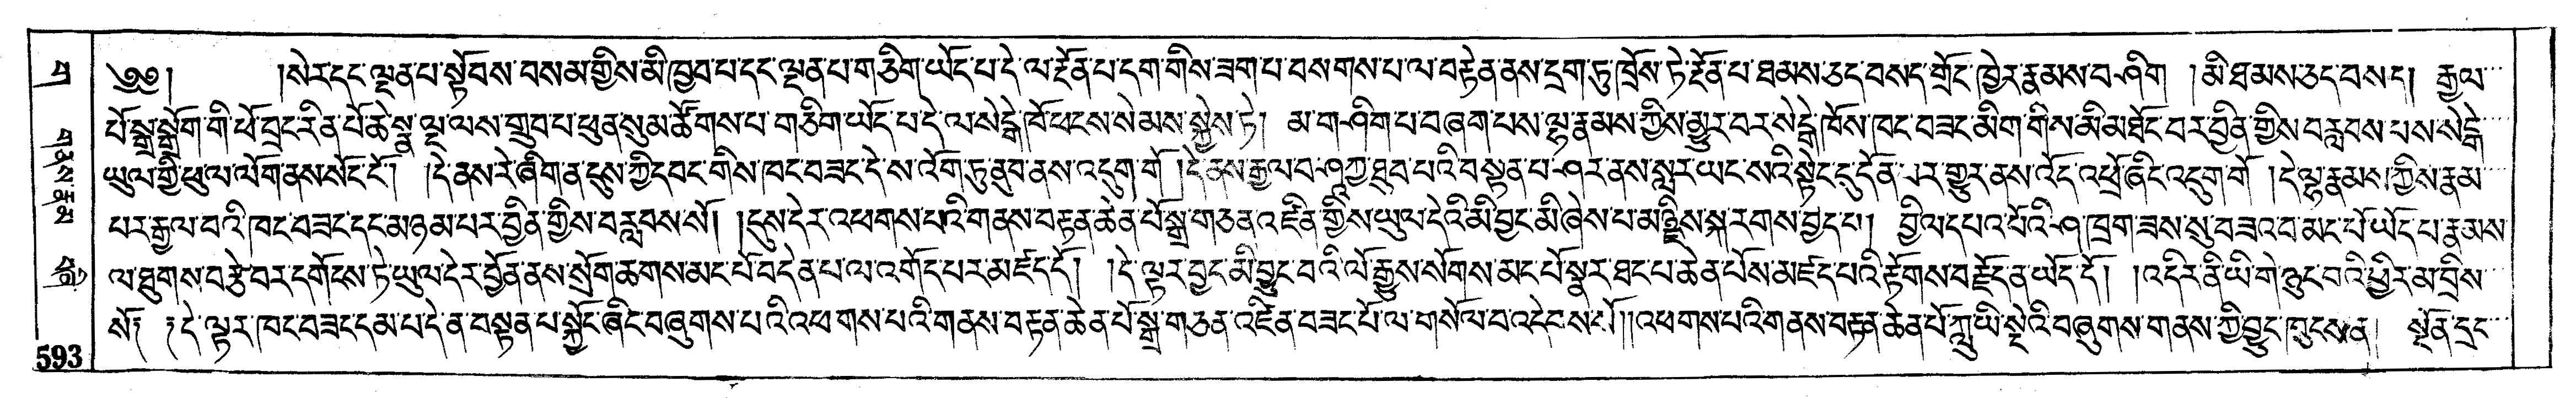༄༅། །སེར་དང་ལྡན་པ་སྟོབས་བསམ་གྱིས་མི་ཁྱབ་པ་དང་ལྡན་པ་གཅིག་ཡོད་པ་དེ་ལ་རྔོན་པ་དག་གིས་ཟག་པ་བསགས་པ་ལ་བརྟེན་ནས་དྲག་ཏུ་ཁྲོས་ཏེ་རྔོན་པ་ཐམས་ཅད་བསད་གྲོང་ཁྱེར་རྣམས་བཤིག །མི་ཐམས་ཅད་བསད། རྒྱལ་
པོ་སྒྲ་སྒྲོག་གི་ཕོ་བྲང་རིན་པོ་ཆེ་སྣ་ལྔ་ལས་གྲུབ་པ་ཕུན་སུམ་ཚོགས་པ་གཅིག་ཡོད་པ་དེ་ལ་སེངྒེ་ཁོ་ཕངས་སེམས་སྐྱེས་ཏེ། མ་གཤིག་པ་བཞག་པས་ལྷ་རྣམས་ཀྱིས་མྱུར་བར་སེངྒེ་ཁོས་ཁང་བཟང་མིག་གིས་མི་མཐོང་པར་བྱིན་གྱིས་བརླབས་པས་སེངྒེ་
ཡུལ་གྱི་ཕུལ་ལོག་ནས་སོང་ངོ། །དེ་ནས་རེ་ཞིག་ན་དུས་ཀྱི་དབང་གིས་ཁང་བཟང་དེ་ས་འོག་ཏུ་ནུབ་ནས་འདུག་གོ །དེ་ནས་རྒྱལ་བ་ཤཱཀྱ་ཐུབ་པའི་བསྟན་པ་ཤར་ནས་སླར་ཡང་སའི་སྟེང་དུ་དོན་པར་གྱུར་ནས་འོད་འཕྲོ་ཞིང་འདུག་གོ། །དེ་ལྷ་རྣམས་ཀྱིས་རྣམ་
པར་རྒྱལ་བའི་ཁང་བཟང་དང་མཉམ་པར་བྱིན་གྱིས་བརླབས་སོ། །དུས་དེར་འཕགས་པའི་གནས་བརྟན་ཆེན་པོ་སྒྲ་གཅན་འཛིན་གྱིས་ཡུལ་དེའི་མི་བྱང་མི་ཞེས་པ་མཉྫིས་སྐ་རགས་བྱེད་པ། བྱི་ལ་དཔའ་བོའི་ཤ་ཁྲག་ཟས་སུ་བཟའ་བ་མང་པོ་ཡོད་པ་རྣམས་
ལ་ཐུགས་བརྩེ་བར་དགོངས་ཏེ་ཡུལ་དེར་བྱོན་ནས་སྲོག་ཆགས་མང་པོ་བདེན་པ་ལ་འགོད་པར་མཛད་དོ། །དེ་ལྟར་བྱང་མི་བྱུང་བའི་ལོ་རྒྱུས་སོགས་མང་བོ་སྣར་ཐད་པ་ཆེན་པོས་མཛད་པའི་རྟོགས་བརྗོད་ན་ཡོད་དོ། །འདིར་ནི་ཡི་གེ་ཉུང་བའི་ཕྱིར་མ་བྲིས་
སོ༑ ༑དེ་ལྟར་ཁང་བཟང་དམ་པ་དེ་ན་བསྟན་པ་སྐྱོང་ཞིང་བཞུགས་པའི་འཕགས་པའི་གནས་བརྟན་ཆེན་པོ་སྒྲ་གཅན་འཛིན་བཟང་པོ་ལ་གསོལ་བ་འདེབས་སོ། །འཕགས་པའི་གནས་བརྟན་ཆེན་པོ་ཀླུ་ཡི་སྡེའི་བཞུགས་གནས་ཀྱི་བྱུང་ཁུངས་ནི། སྔོན་དྲང་